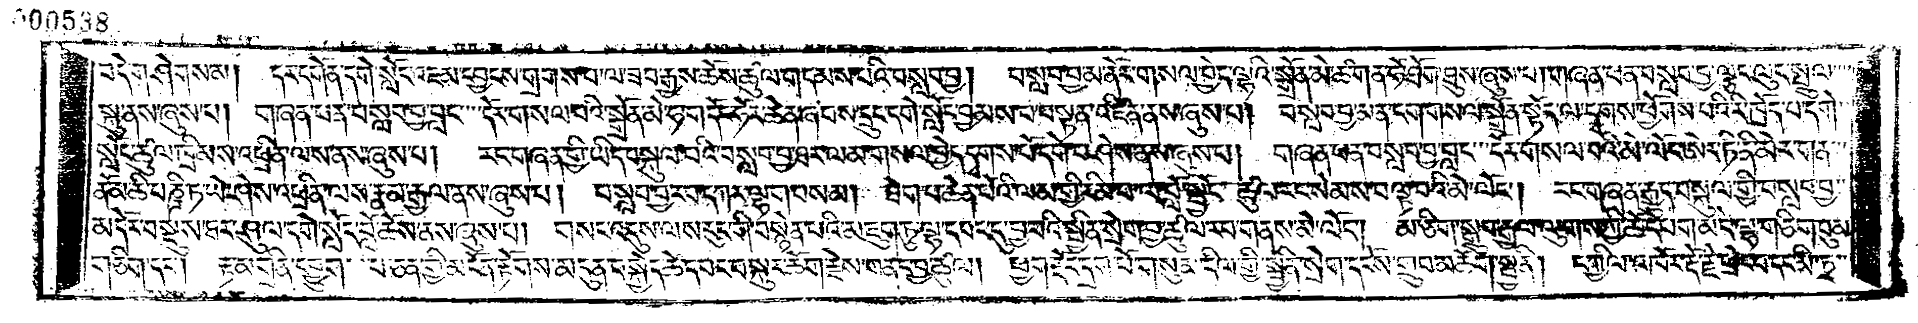བདེ་གཤེགས་མ། དར་དགོན་དགེ་སློང་འཇམ་དབྱངས་གྲགས་པ་ལ་ཟབ་རྒྱས་ཆོས་ཚུལ་གདམས་པའི་བསླབ་བྱ། བསླབ་བྱ་མ་ནོར་གསལ་བྱེད་ལྷའི་སྒྲོན་མེ་ཆི་གན་ཧོ་ཐོག་ཐུས་ཞུས་པ། གཞན་ཕན་བསླབ་བྱ་ལྕང་ལུང་སྤྲུལ་
སྐུ་ནས་ཞུས་པ། གཞན་ཕན་བསླབ་བྱ་བླང་དོར་གསལ་བའི་སྒྲོན་མེ་ཧ་གདོང་ཧོར་ཆེན་ཞབས་དྲུང་དགེ་སློང་བྱམས་པ་བསྟན་འཛིན་ནས་ཞུས་པ། བསླབ་བྱ་མན་ངག་གསལ་སྒྲོན་སྟོད་ལ་དྭགས་ཕྱོགས་པའི་རི་ཁྲོད་པ་དགེ་
སློང་ཚུལ་ཁྲིམས་འཕྲིན་ལས་ནས་ཞུས་པ། རང་གཞན་གྱི་ཡིད་བསྐུལ་བའི་བསླབ་བྱ་ཐར་ལམ་གསལ་བྱེད་དྭགས་པོ་དགེ་བཤེས་ནས་ཞུས་པ། གཞན་ཕན་བསླབ་བྱ་བླང་དོར་གསལ་བའི་མེ་ལོང་ཨེར་ཏི་ནི་མེར་གན་
ནོམ་ཆི་པཎྜི་ཏ་ཡེ་ཤེས་འཕྲིན་ལས་རྣམ་རྒྱལ་ནས་ཞུས་པ། བསླབ་བྱ་རབ་དཀར་ལྷག་བསམ། ཐེག་པ་ཆེན་པོའི་ལམ་གྱི་རིམ་པ་ལ་བློ་སྦྱོང་ཚུལ་རང་སེམས་བལྟ་བའི་མེ་ལོང་། རང་གཞན་རྒྱུད་བསྐུལ་གྱི་བསླབ་བྱ་
མདོར་བསྡུས་ཐར་ཤུལ་དགེ་སློང་བློ་ཆོས་ནས་ཞུས་པ། གསང་འདུས་ལས་རུང་གི་བསྙེན་པའི་མཇུག་ཏུ་ལྷ་དབང་དུ་བྱ་བའི་སྦྱིན་སྲེག་བྱ་ཚུལ་རབ་གནས་མེ་ལོང་། མ་ཅིག་སྒྲུབ་རྒྱལ་ལུགས་ཀྱི་ཚེ་དཔག་མེད་ལྷ་གཅིག་བུམ་
གཅིག་དང་། རྟ་མགྲིན་དབྱུག་པ་ཅན་གྱི་མངོན་རྟོགས་མདུན་བསྐྱེད་ཚེ་དབང་བསྐུར་ཆོག་རྗེས་གནང་བྱ་ཚུལ། ཕྱག་རྡོར་དྲག་པོ་གསུམ་དྲིལ་གྱི་སྦྱིན་སྲེག་དངོས་གྲུབ་མཆོག་སྦྱིན། དཀྱིལ་འཁོར་རྡོ་རྗེ་ཕྲེང་བ་དང་མི་ཏྲ་